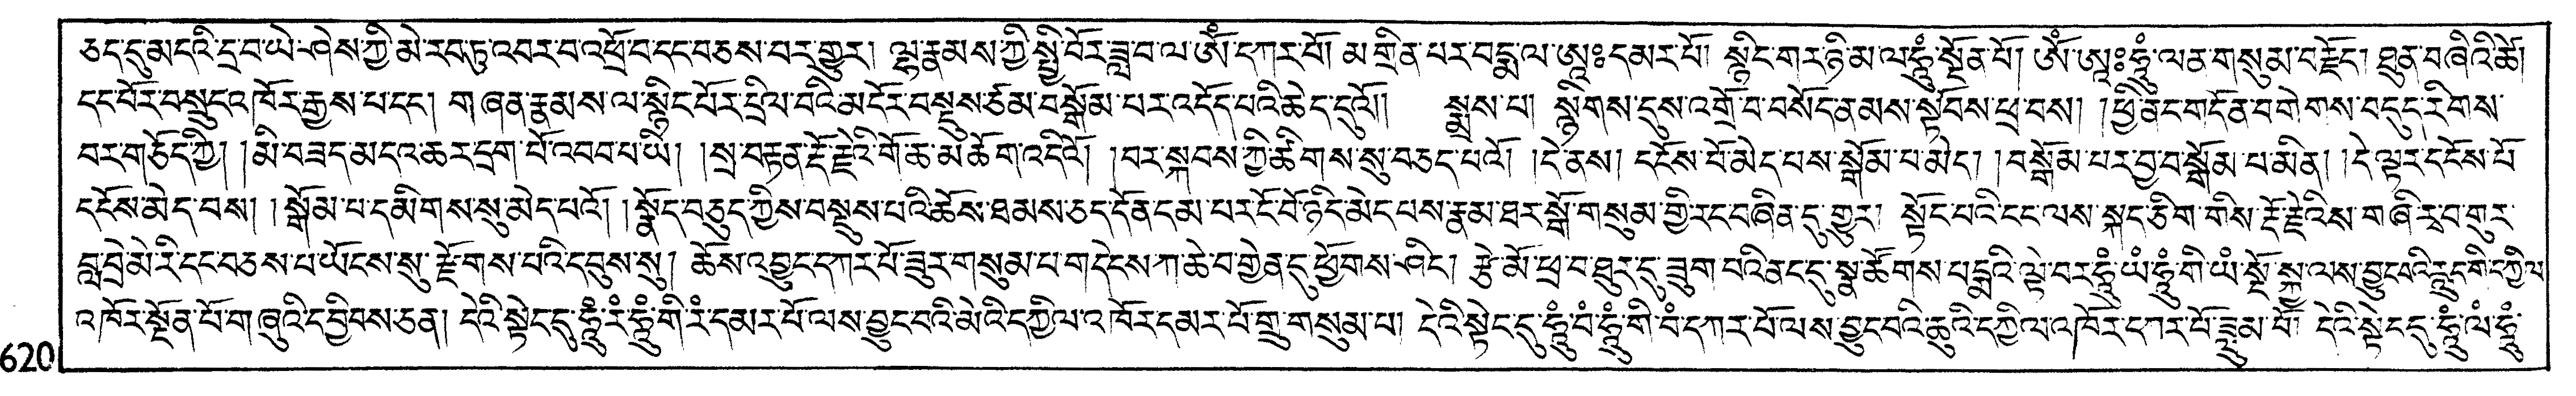ཅད་དུ་མདའི་དྲ་བ་ཡེ་ཤེས་ཀྱི་མེ་རབ་ཏུ་འབར་བ་འཕྲོ་བ་དང་བཅས་པར་གྱུར། ལྷ་རྣམས་ཀྱི་སྤྱི་བོར་ཟླ་བ་ལ་ཨོཾ་དཀར་པོ། མགྲིན་པར་པདམ་ལ་ཨཱཿ དམར་པོ། སྙིང་གར་ཉི་མ་ལ་ཧཱུཾ་སྔོན་པོ། ཨོཾ་ཨཱཿ ཧཱུཾ་ལན་གསུམ་བརྗོད། ཐུན་བཞིའི་ཚེ།
དང་པོར་བསྲུང་འཁོར་རྒྱས་པ་དང་། གཞན་རྣམས་ལ་སྙིང་པོར་དྲིལ་བའི་མདོར་བསྡུས་ཙམ་བསྒོམ་པར་འདོད་པའི་ཆེད་དུའོ། །སྨྲས་པ། སྙིགས་དུས་འགྲོ་བ་བསོད་ནམས་སྟོབས་ཕྲ་བས། །ཕྱི་ནང་གདོན་བགེགས་བདུད་རིགས་
བར་གཅོད་ཀྱི། །མི་བཟད་མདའ་ཆར་དྲག་པོ་འབབ་པ་ཡི། །སྲ་བརྟན་རྡོ་རྗེའི་གོ་ཆ་མཆོག་འདིའོ། །བར་སྐབས་ཀྱི་ཚིགས་སུ་བཅད་པའོ། །དེ་ནས། དངོས་པོ་མེད་པས་སྒོམ་པ་མེད། །བསྒོམ་པར་བྱ་བ་སྒོམ་པ་མིན། །དེ་ལྟར་དངོས་པོ་
དངོས་མེད་པས། །སྒོམ་པ་དམིགས་སུ་མེད་པའོ། །སྣོད་བཅུད་ཀྱིས་བསྡུས་པའི་ཆོས་ཐམས་ཅད་དོན་དམ་པར་ངོ་བོ་ཉིད་མེད་པས་རྣམ་ཐར་སྒོ་གསུམ་གྱི་རང་བཞིན་དུ་གྱུར། སྟོང་པའི་ངང་ལས་སྐད་ཅིག་གིས་རྡོ་རྗེའི་ས་གཞི་རྭ་བ་གུར་
བླ་བྲེ་མེ་རི་དང་བཅས་པ་ཡོངས་སུ་རྫོགས་པའི་དབུས་སུ། ཆོས་འབྱུང་དཀར་པོ་ཟུར་གསུམ་པ་གདེངས་ཀ་ཆེ་བ་གྱེན་དུ་ཕྱོགས་ཤིང་། རྩེ་མོ་ཕྲ་བ་ཐུར་དུ་ཟུག་པའི་ནང་དུ་སྣ་ཚོགས་པདམའི་ལྟེ་བར་ཧཱུཾ་ཡཾ་ཧཱུཾ་གི་ཡཾ་སྔོ་སྐྱ་ལས་བྱུང་བའི་རླུང་གི་དཀྱིལ་
འཁོར་སྔོན་པོ་གཞུའི་དབྱིབས་ཅན། དེའི་སྟེང་དུ་ཧཱུཾ་རཾ་ཧཱུཾ་གི་རཾ་དམར་པོ་ལས་བྱུང་བའི་མེའི་དཀྱིལ་འཁོར་དམར་པོ་གྲུ་གསུམ་པ། དེའི་སྟེང་དུ་ཧཱུཾ་བཾ་ཧཱུཾ་གི་བཾ་དཀར་པོ་ལས་བྱུང་བའི་ཆུའི་དཀྱིལ་འཁོར་དཀར་པོ་ཟླུམ་པོ། དེའི་སྟེང་དུ་ཧཱུཾ་ལཾ་ཧཱུཾ་